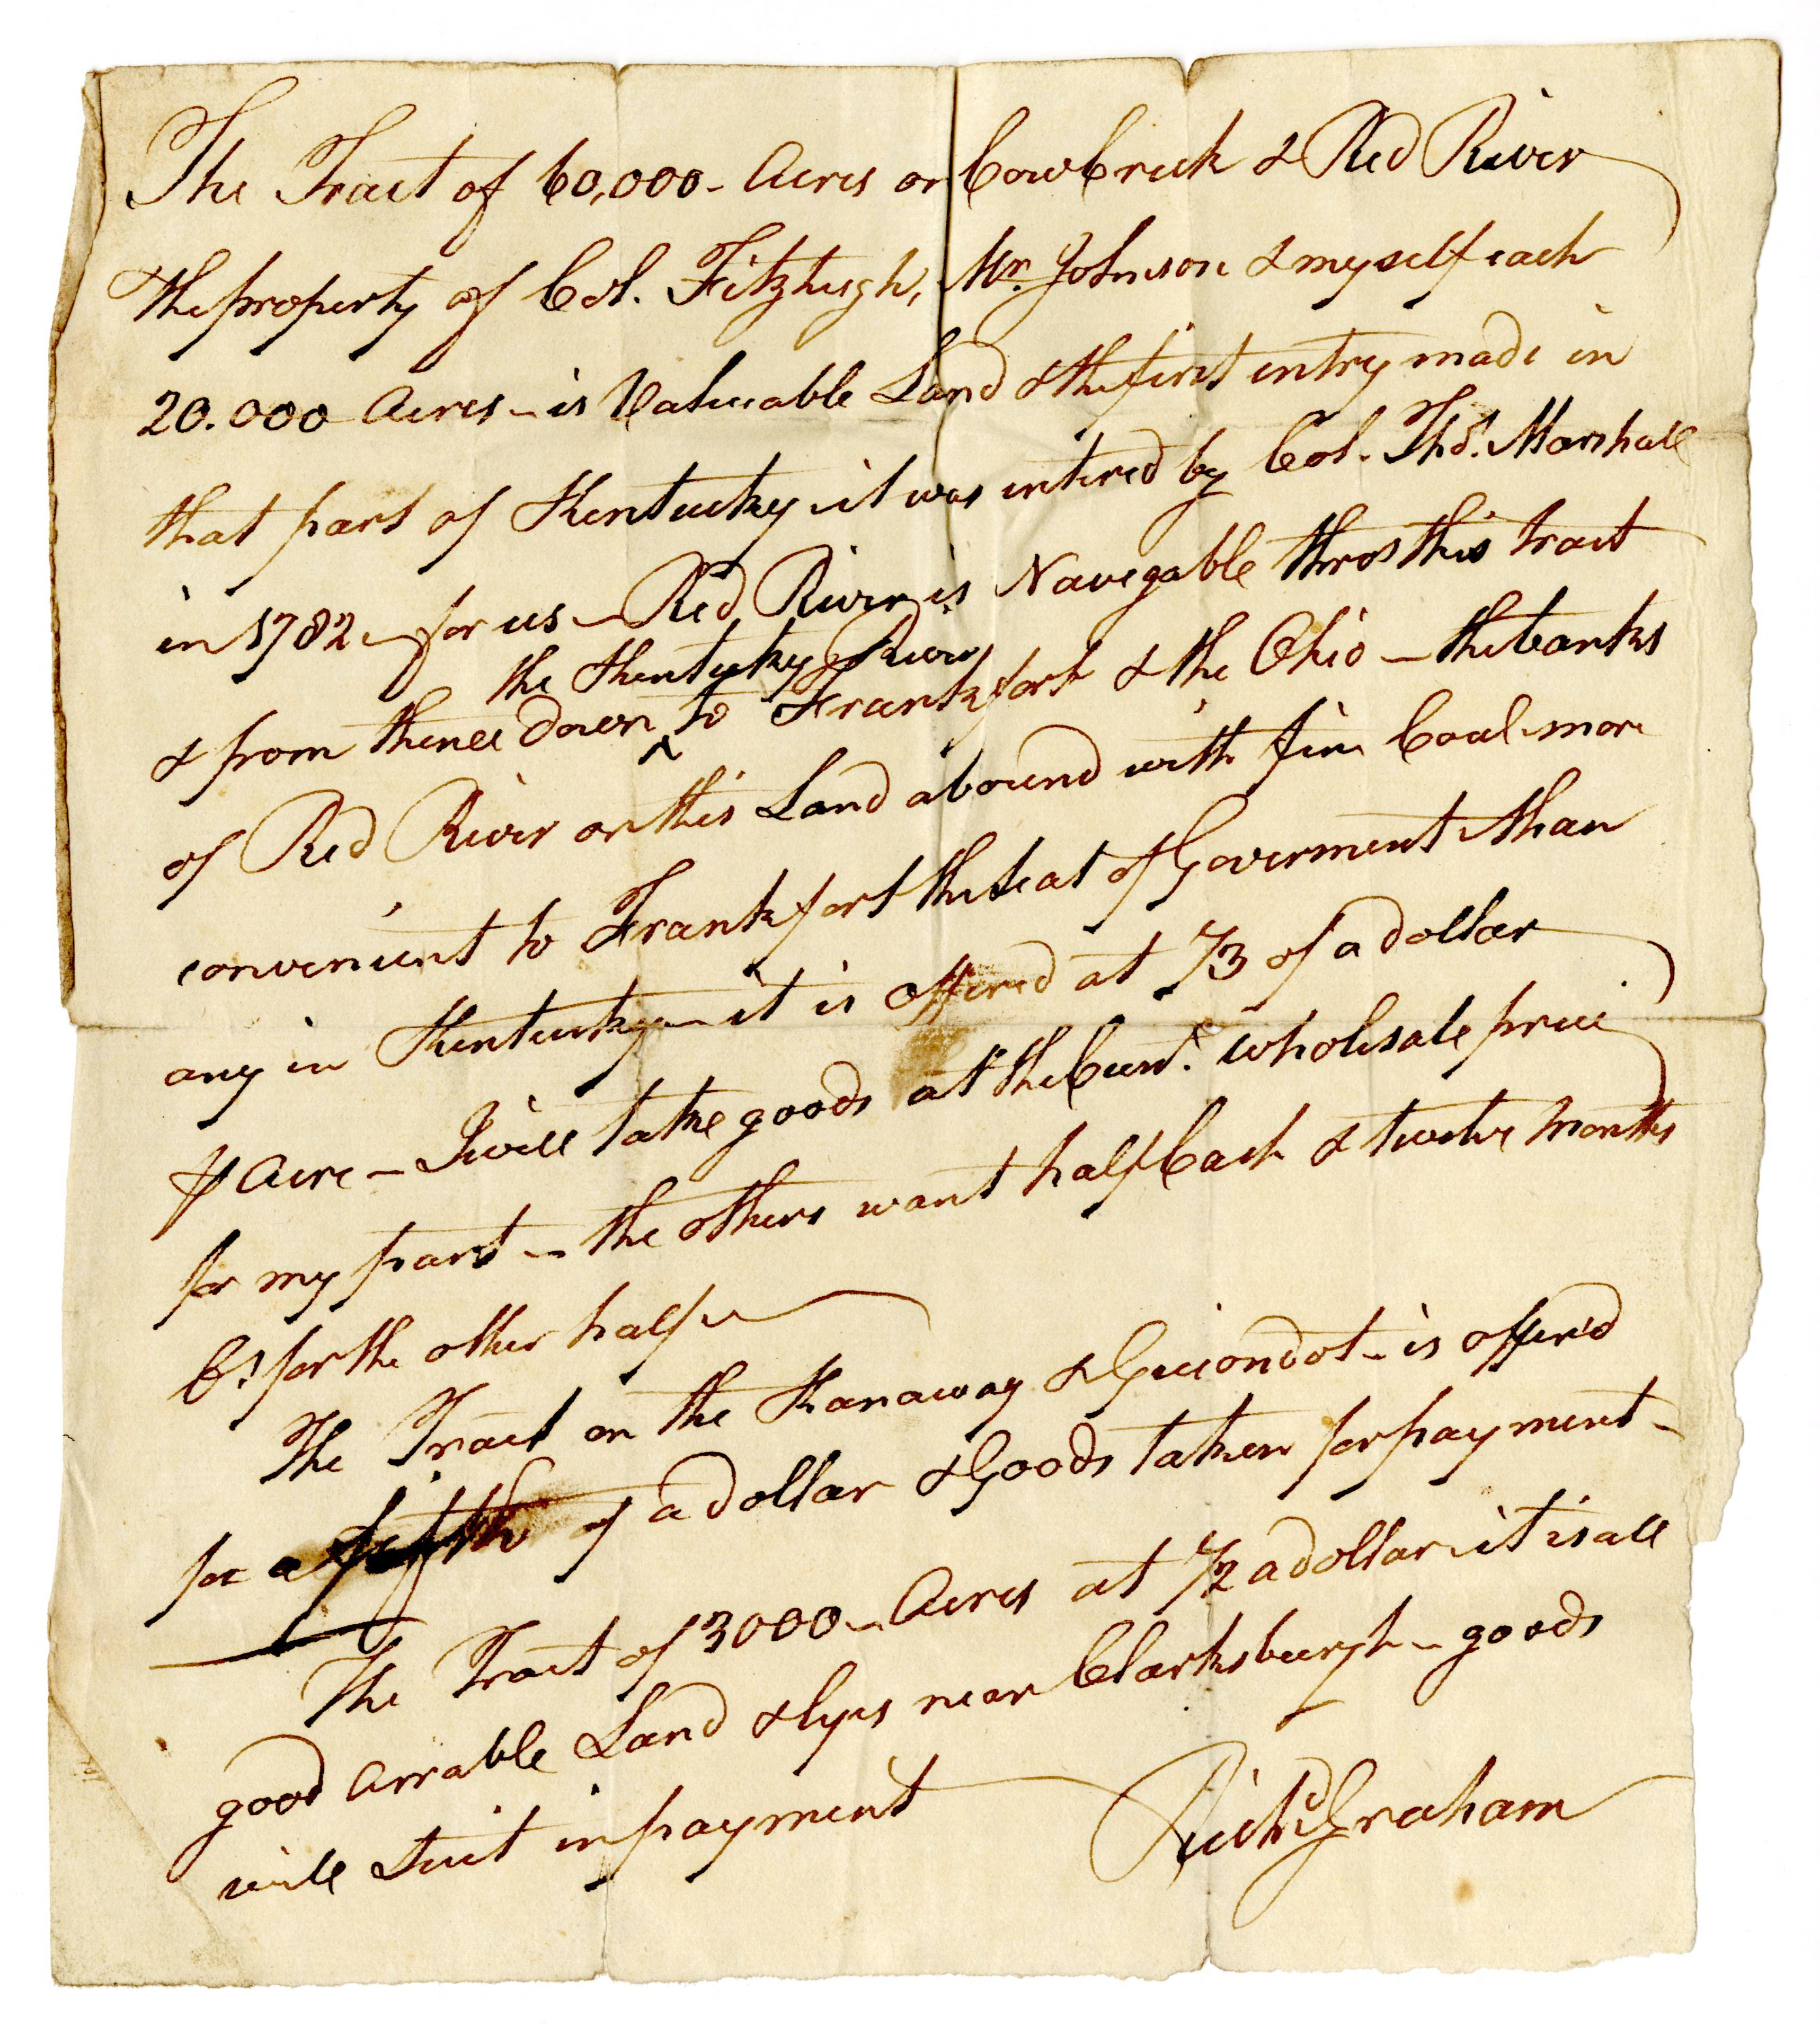The Tract of 60,000. Acres or Cowbrick & Red River.
the property of Col. Fitzhugh, M^r. Johnson & myself each
20.000 Acres- is valuable Land & the first entry made in
that part of Kentucky it was united by Col. Tho^s. Marshall
in 1782 for us- Red River is Navigable throu this tract
& from thence down ^ to Frankfort & the Ohio- the banks
the Kentucky River
of Red River on this land abound with fine Coal more
convenient to Frankfort the Seat of Government than
any in Kentucky it is offerd at 73 of a dollar
per acre- I will take the goods at the Cur^t. wholesale price
to my part- the others want half Cash & twelve Months
C^r. for the other half-
The Tract on the Kanaway & Georgedot is offer'd
for a fifth of a dollar & Goods taken for payment.
The Tract of 3000 acres at 72 a dollar it is all
good arable Land & lays near Clarksburgh- goods
will suit in payment
Rich^d Graham